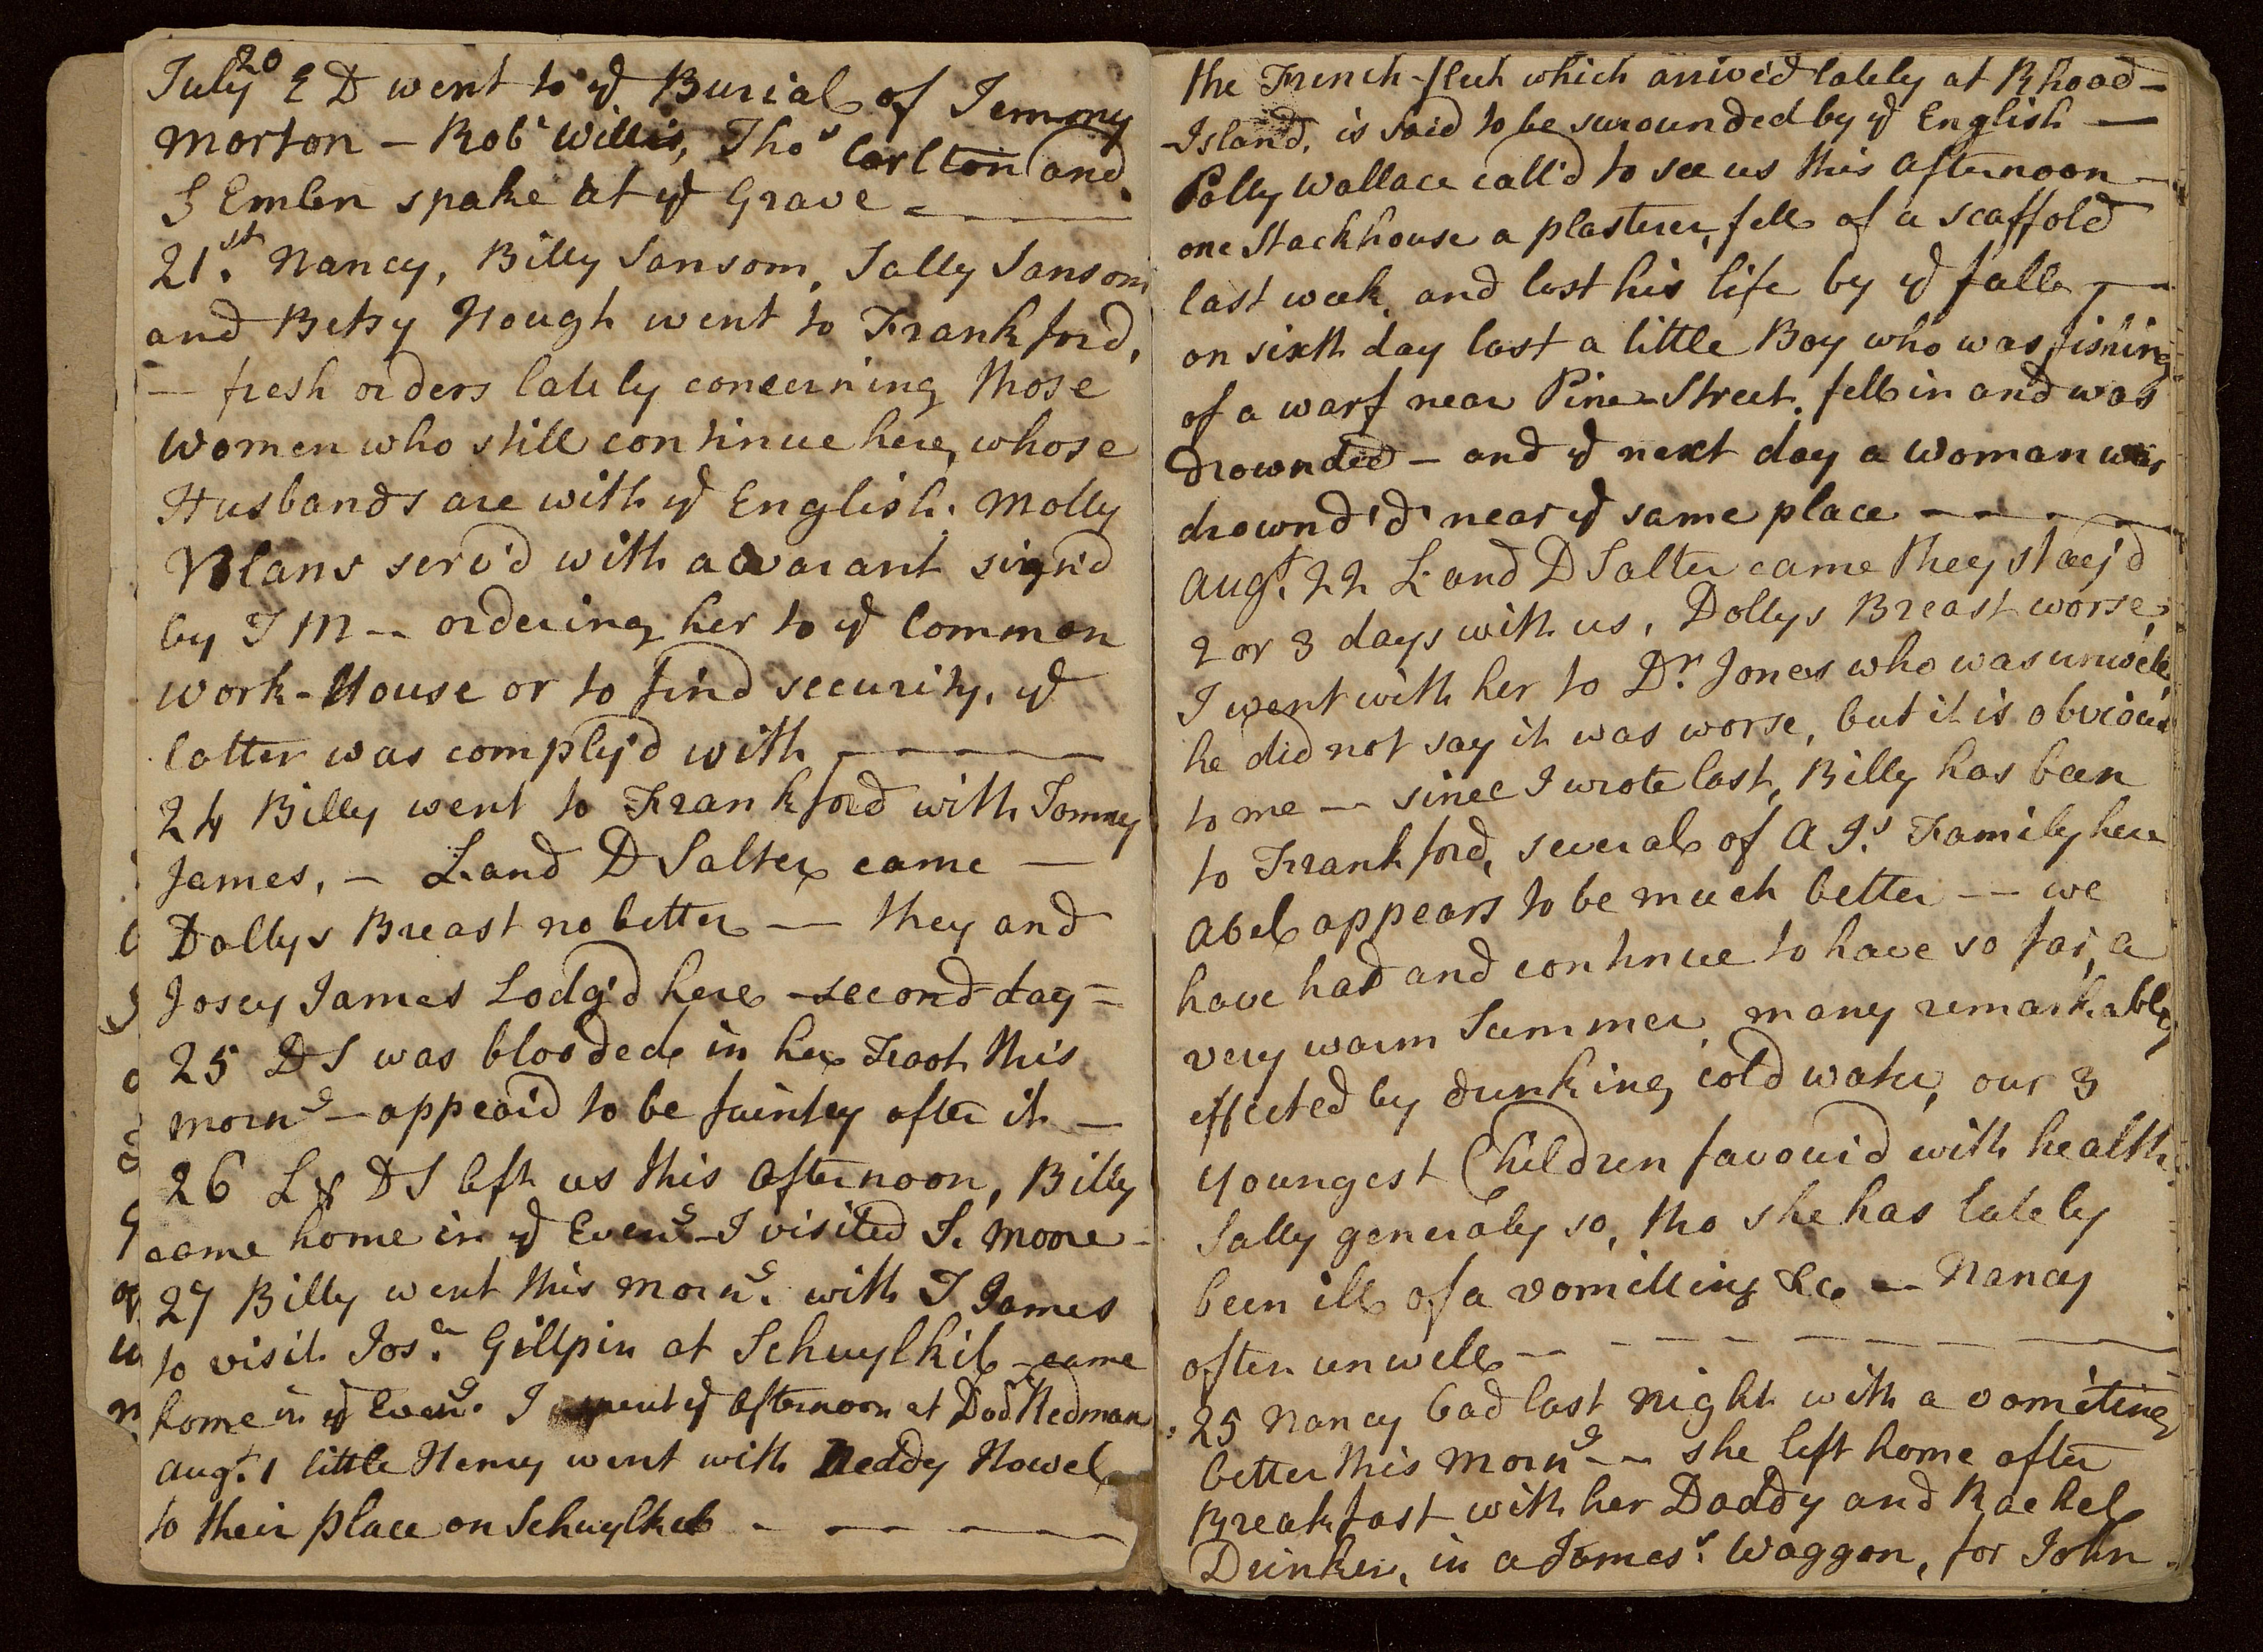July^20 ED went to y^e Burial of Jemmy
Morton- Rob^t Willis, Tho^s Carlton and
S Emlen spake at y^e Grave-
21^st. Nancy, Billy Sansom Sally Sansom
and Betsy Hough went to Frankford,
-fresh orders lately conserning those
Women who still continue here, whose
Husbands are with y^e English. Molly
Blans serv'd with a warant sign'd
by TM- ordering her to y^e Common
work-House or to find security, y^e
latter was comply'd with
24 Billy went to Frankford with Tomny
James,- L. and D Salter came-
Dollys Breast no better- they and
Josey James Lodg'd here- second day-
25 D S was blooded in her Troot this
morn^g- appear'd to be faintly after it-
26 L & D S left us this Afternoon, Billy
came home in y^e Even^g- I visited S. Moore-
27 Billy went this morn^g.- with T James
to visit Jos.^a Gillpin at Schuylkil -came
home in y^e Even^g. I spent y^e afternoon at Doc^r. Redman
Aug^t. 1 little Henry went with Neddy Howel
to their place on Schuykil--
the French fleet which arrived lately at Rhoad-
-Island, is said to be surounded by y^e English-
Polly Wallace call'd to see us this Afternoon-
one Stackhouse a plasterer fell of a scaffold
last week, and lost his life by y^e fall-
on sixth day last a little Boy who was fishing
of a warf near Pine Street fell in and was
drownded- and y^e next day a Woman was
drownd'd near y^e same place-
Aug^t 22 Land D Salter came thee, stay'd
2 or 3 days with us, Dollys Breast worse-
I went with her to D^r. Jones who was unwell
be did not say it was worse, but it is obvious
is me- since I wrote last, Billy has been
to Frankford, several of AJ^s Family here
Abel appears to be much better-- we
have had and continue to have so far a
very warm Summer many remarkably
effected by drinking cold water, our 3
Youngest Children favour'd with health
Sally generaly 10, tho she has lately
been ill of a vomitting &c- Nancy
often unwell-
25 Nancy bad last night with a vomiting
better this morn^g-- she left home after
Breakfast with her Daddy and Rachel
Drinker, in a James^s. Waggon, for John.